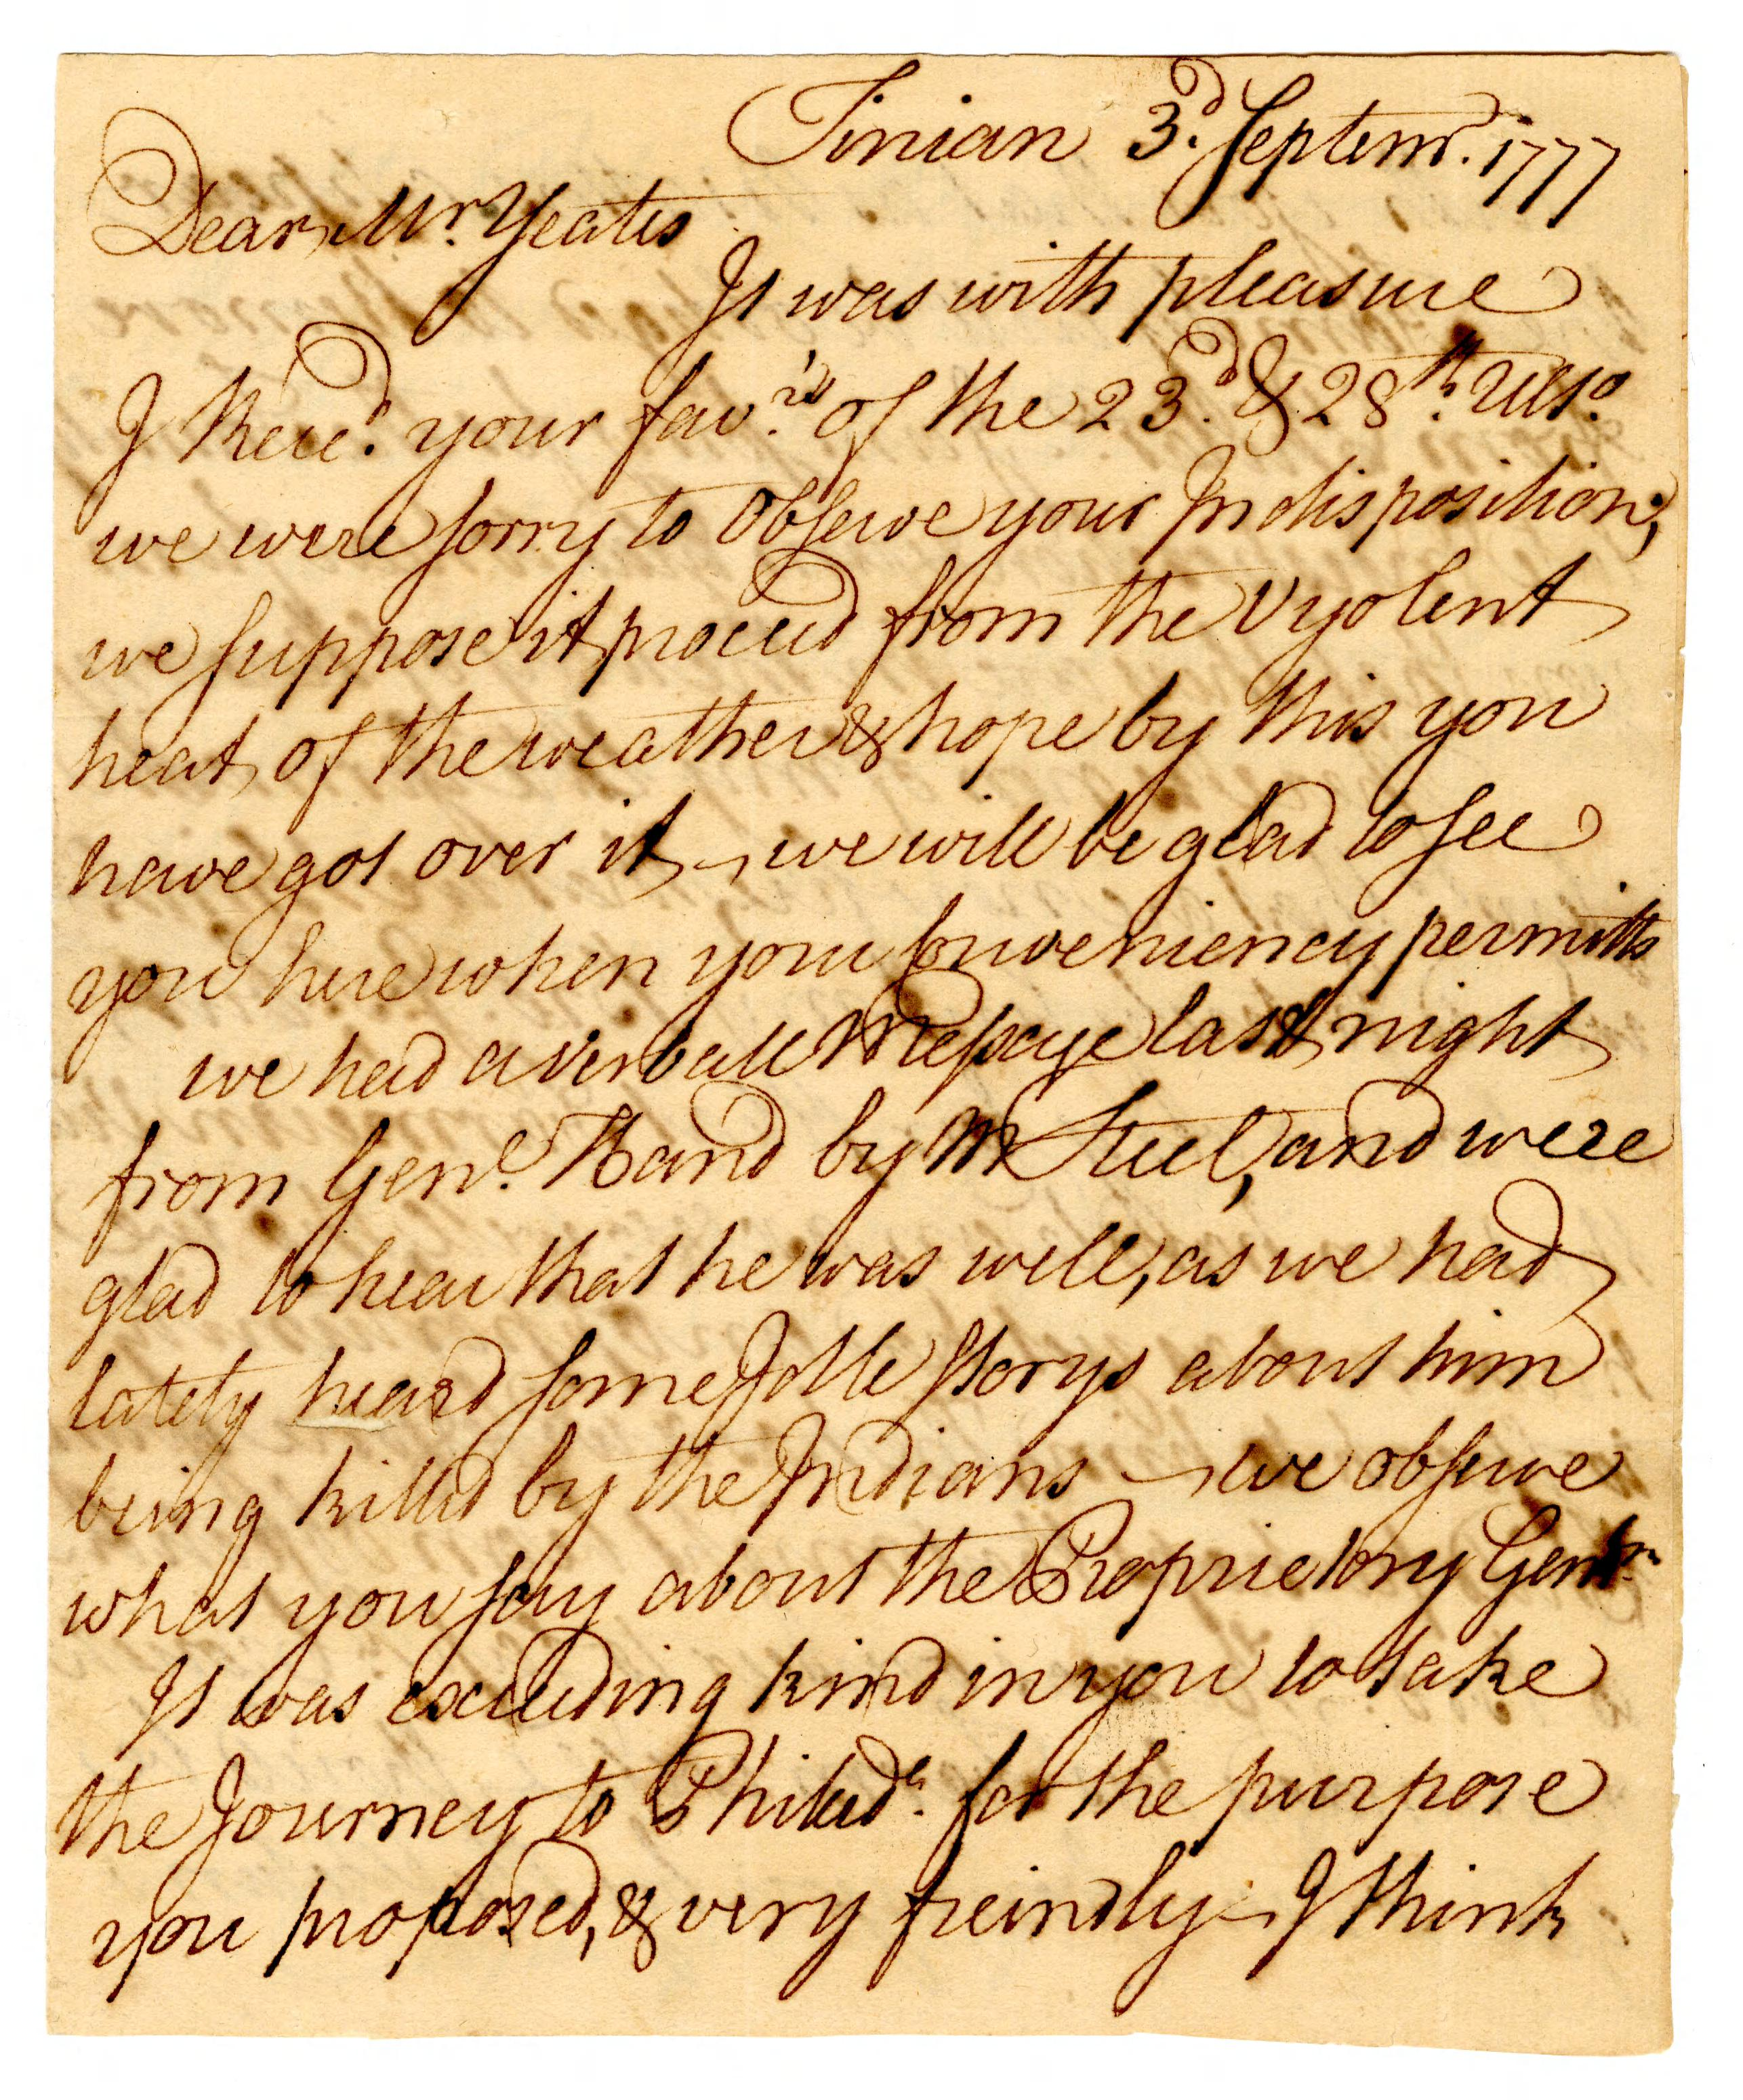Tinian 3d. Septem. 1777
Dear M^r. Yeates
It was with pleasure
I Rece^d. your fav^r. of the 23^d. & 28^th Ult^o.
we were sorry to Observe your Indisposition;
we suppose it proceed from the Vyolent
heat of the weather & hope by this you
have got over it- we will be glad to see
you here when your Conveniency permitts
We had a verball Message last night
from Gen^l. Hand by M^r Steel, and were
glad to hear that he was well, as we had
latetly heard some Idle storys about him
being killed by the Indians- We observe
what you say about the Proprietory Gent^n.
It was Exceeding kind in you to take
the journey to Philad^a. for the purpose
you proposed, & very friendly- I think